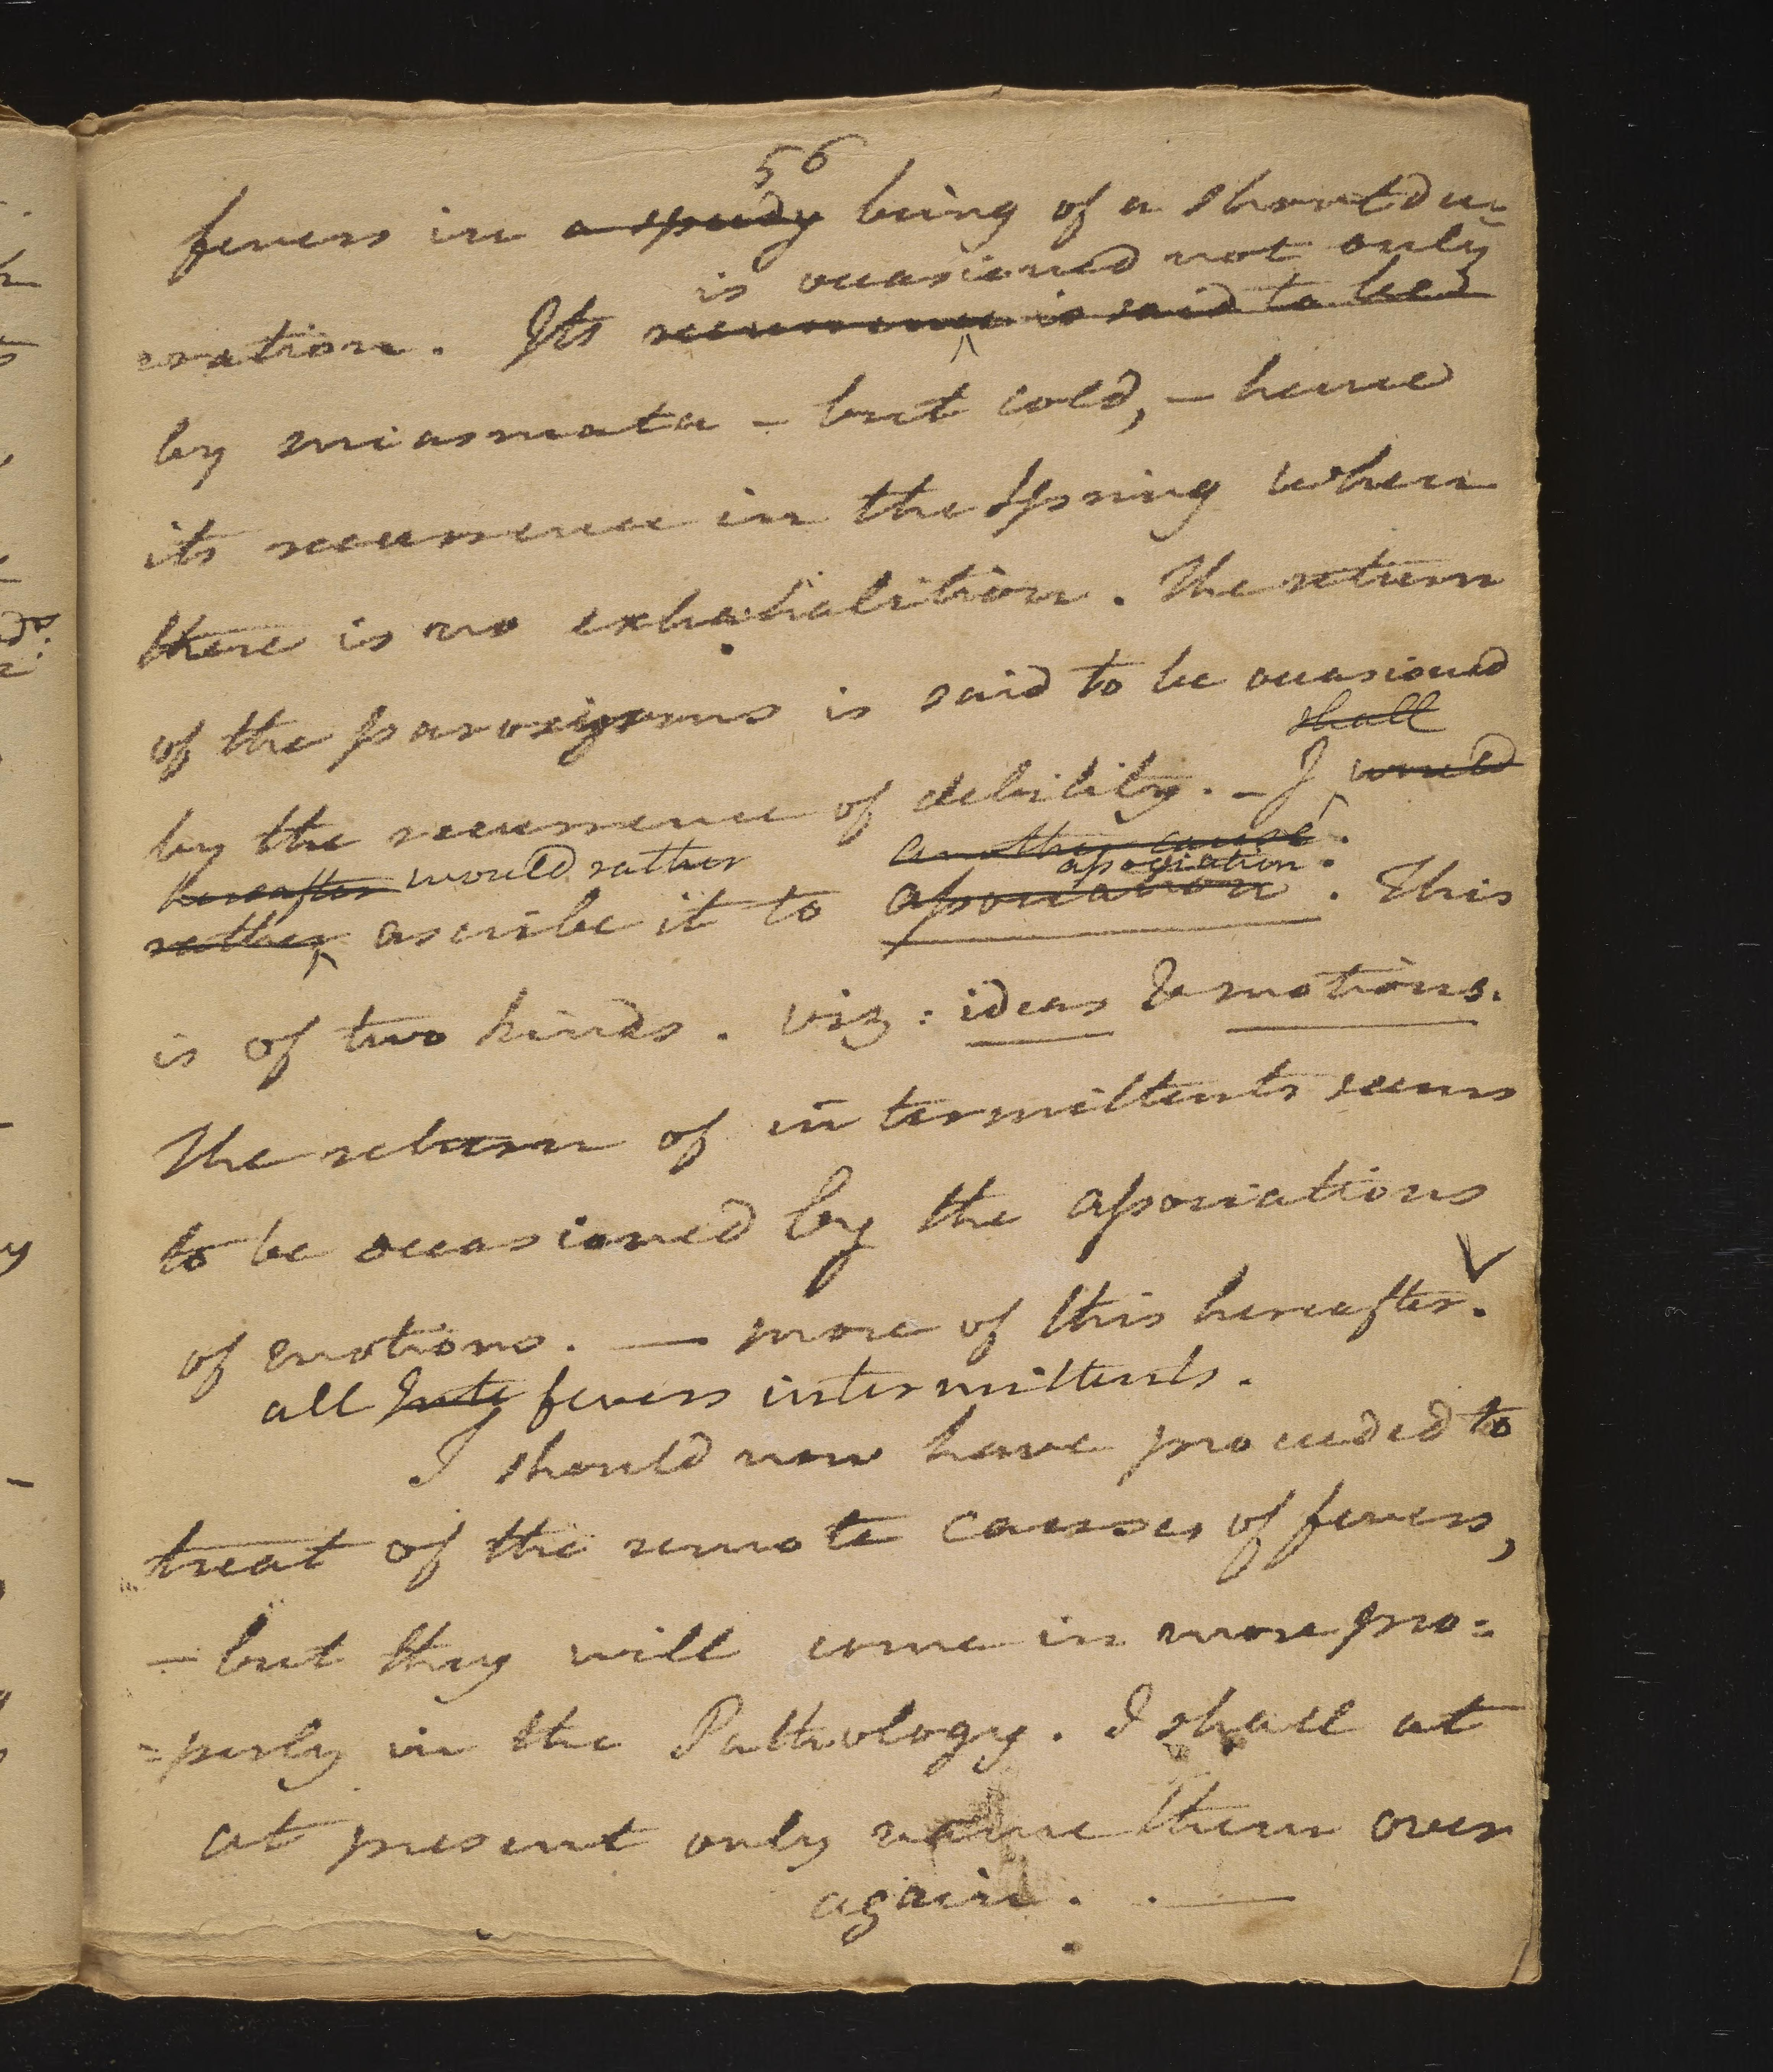56
fevers in [a speedy] being of a short du-
is occasioned not only
-ration. Its ^ [reason is said to be]
by miasmata- but cold,- have
it recedes in the spring when
there is no exhalations. The return
of the paroxysms is said to be occasioned
by the renumerance of debility. I ^ [would]
[hereafter] would rather [Another cause]
association
[rather] ^ ascribe it to [association]. This
is of two kinds, viz. ideas & motions.
The turn of intermittents seems
to be occasioned by the associations
of emotions.- More of this hereafter. V
all [Inte] fevers intermittents.
I should now have proceeded to
treat of the remote causes of fevers,
- but they will come in more pro-
-perly in the Pathology. I shall at
at present only where there over
again.